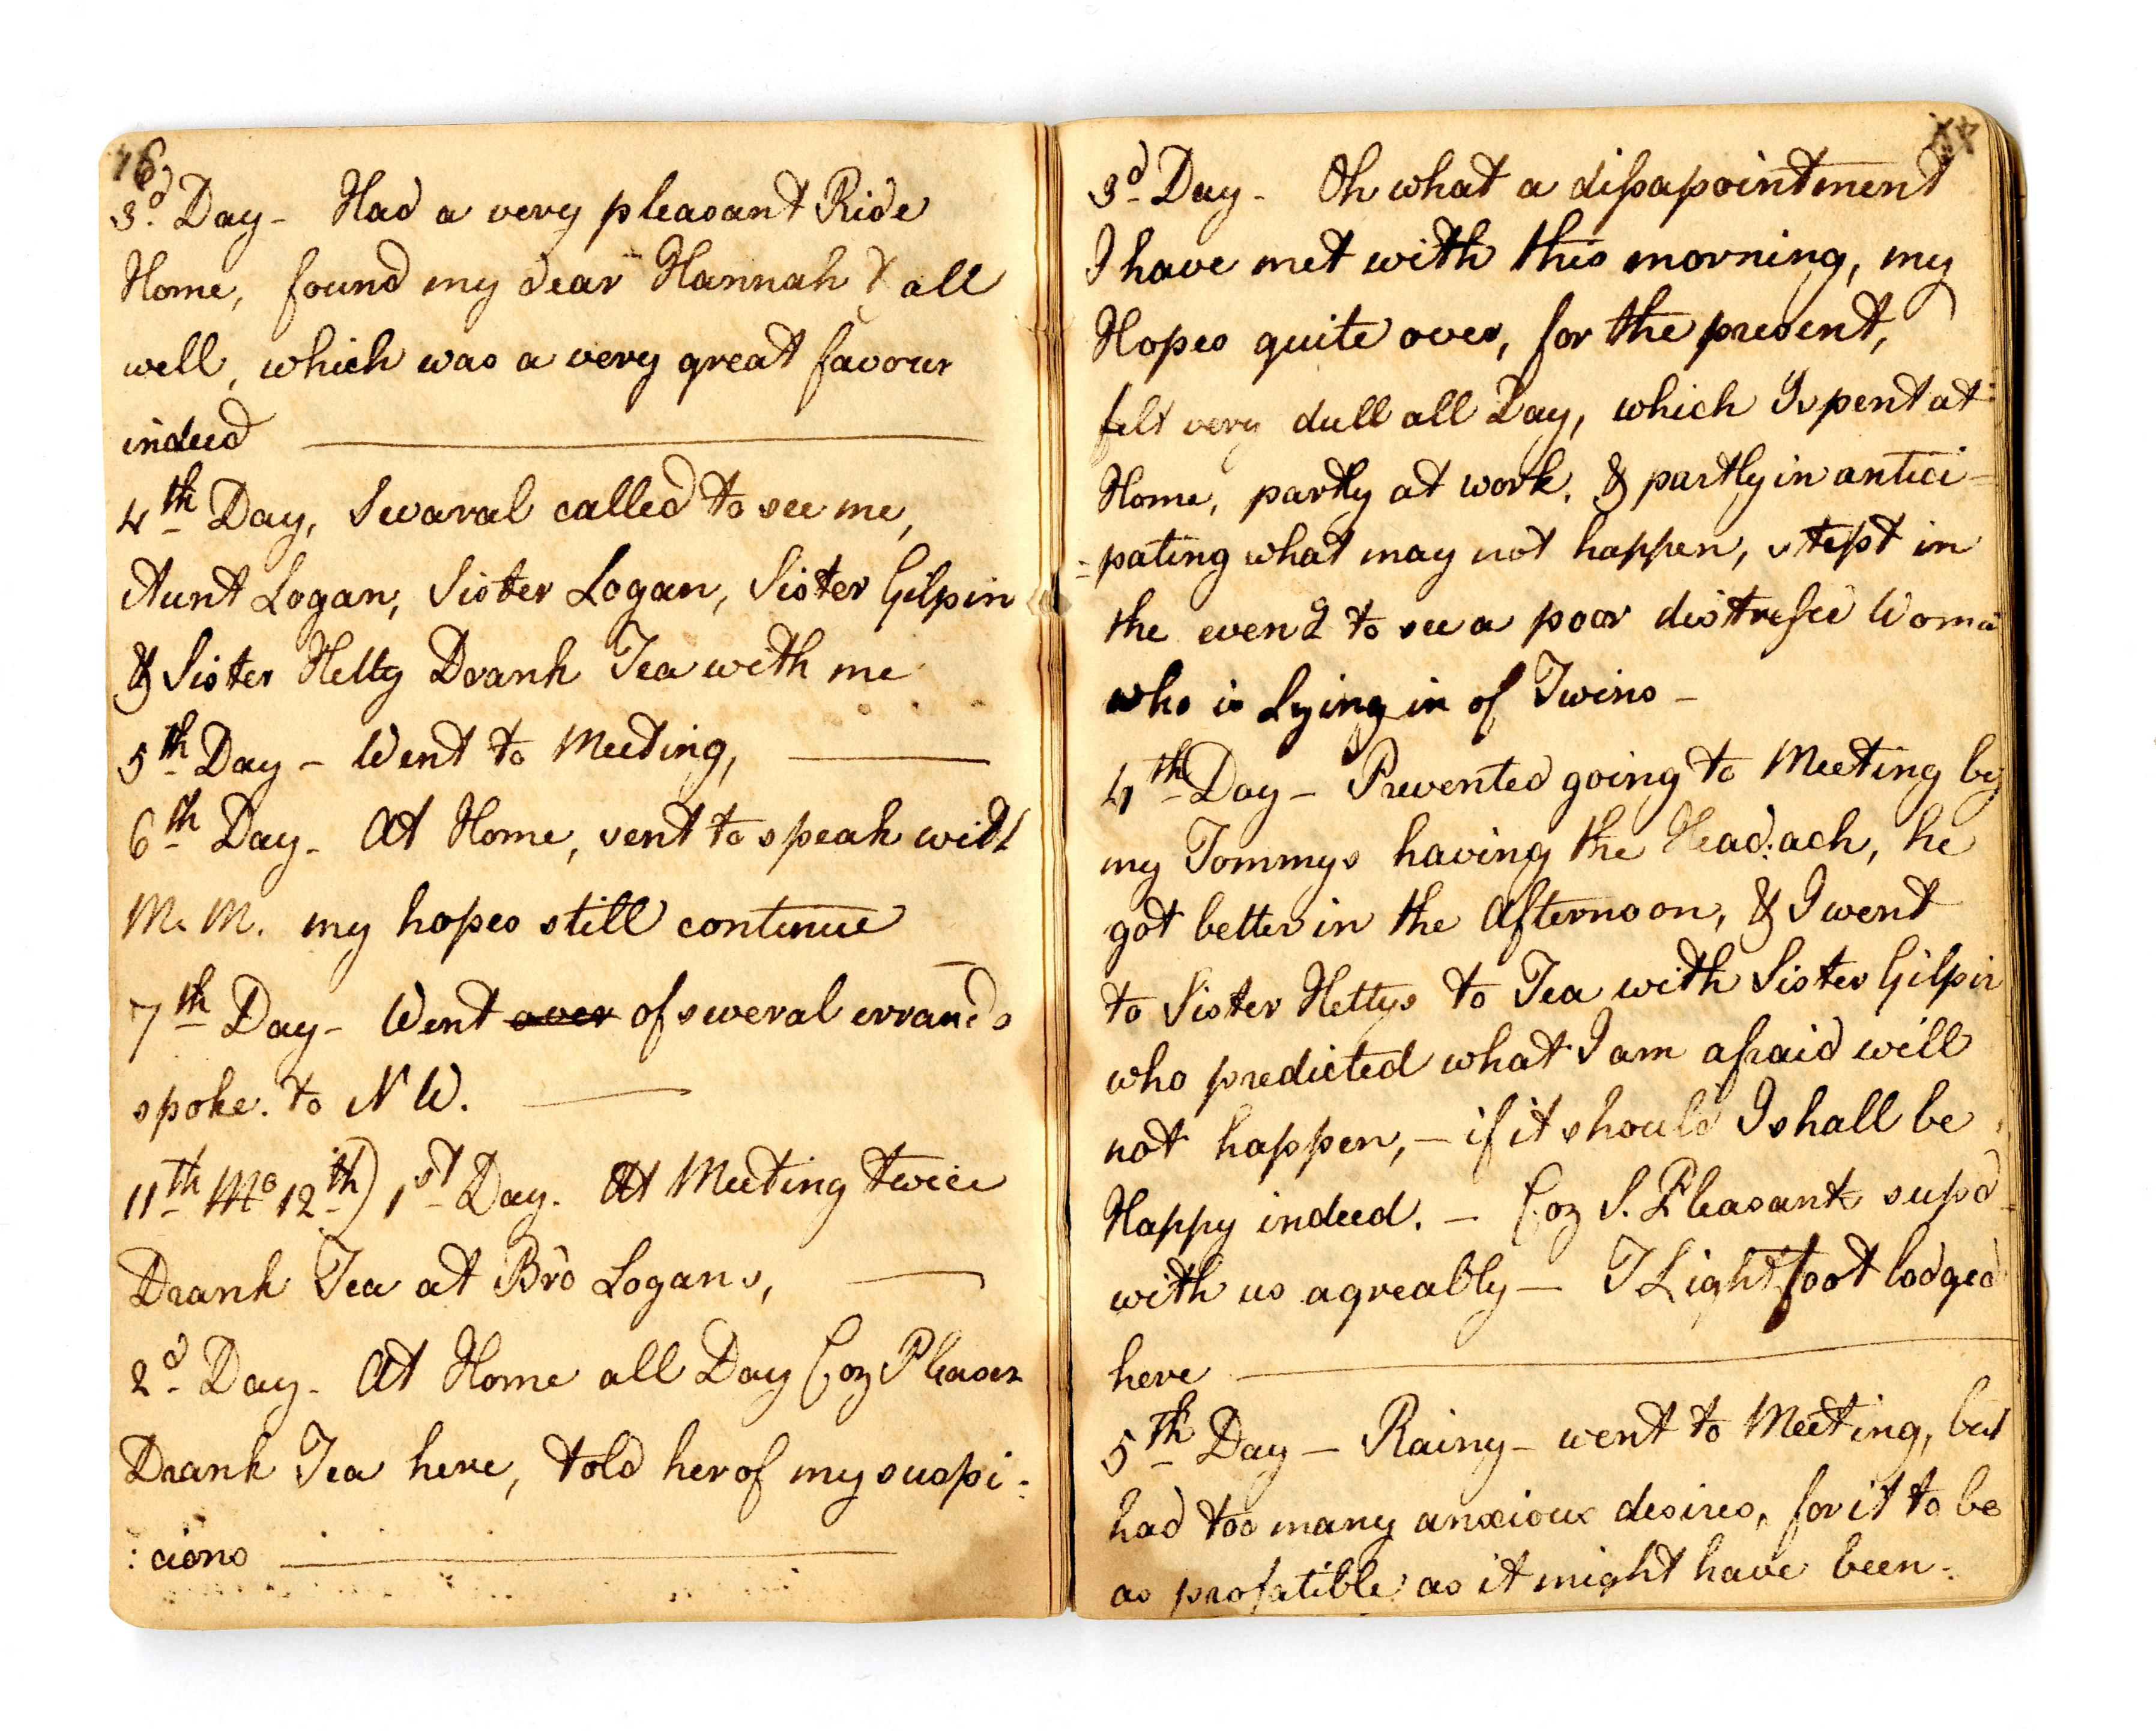3^d Day- Had a very pleasant Ride
Home, found my dear Hannah & all
well, which was a very great favour
indeed
4^th Day, Sevaral called to see me,
Aunt Logan, Sister Logan, Sister Gilpin
& Sister Hetty Drank Tea with me
5^th Day- Went to Meeting,
6^th Day- At Home, sent to speak with
M.M. my hopes still continue
7^th Day- Went [over] of several errands
spoke. to NW.
11^th M^o 12^th) 1^st Day. At Meeting twice
Drank Tea at Bro Logans,
2^d Day- At Home all Day Coz Pleases
Drank Tea here, told her of my suspi-
-cions
3^d Day- Oh what a dissapointment
I have met with this morning, my
Hopes quite over, for the present,
felt very dull all Day, which I spent at
Home, partly at work, & partly in antici-
-pating what may not happen, stept in
the even^g to see a poor distresed Woma
who is Lying in of Twins
4^th Day- Prevented going to Meeting by
my Tommys having the Head:ach, he
got better in the Afternoon, & I went
to Sister Hettys to Tea with Sister Gilpin
who predicted what I am afraid will
not happen,- if it should I shall be,
Happy indeed,- Coz S. Pleasants supd
with us agreably- T Lightfoot lodged
here
5^th Day- Rainy- went to Meeting, but
had too many anxious desires, for it to be
as profatible as it might have been.